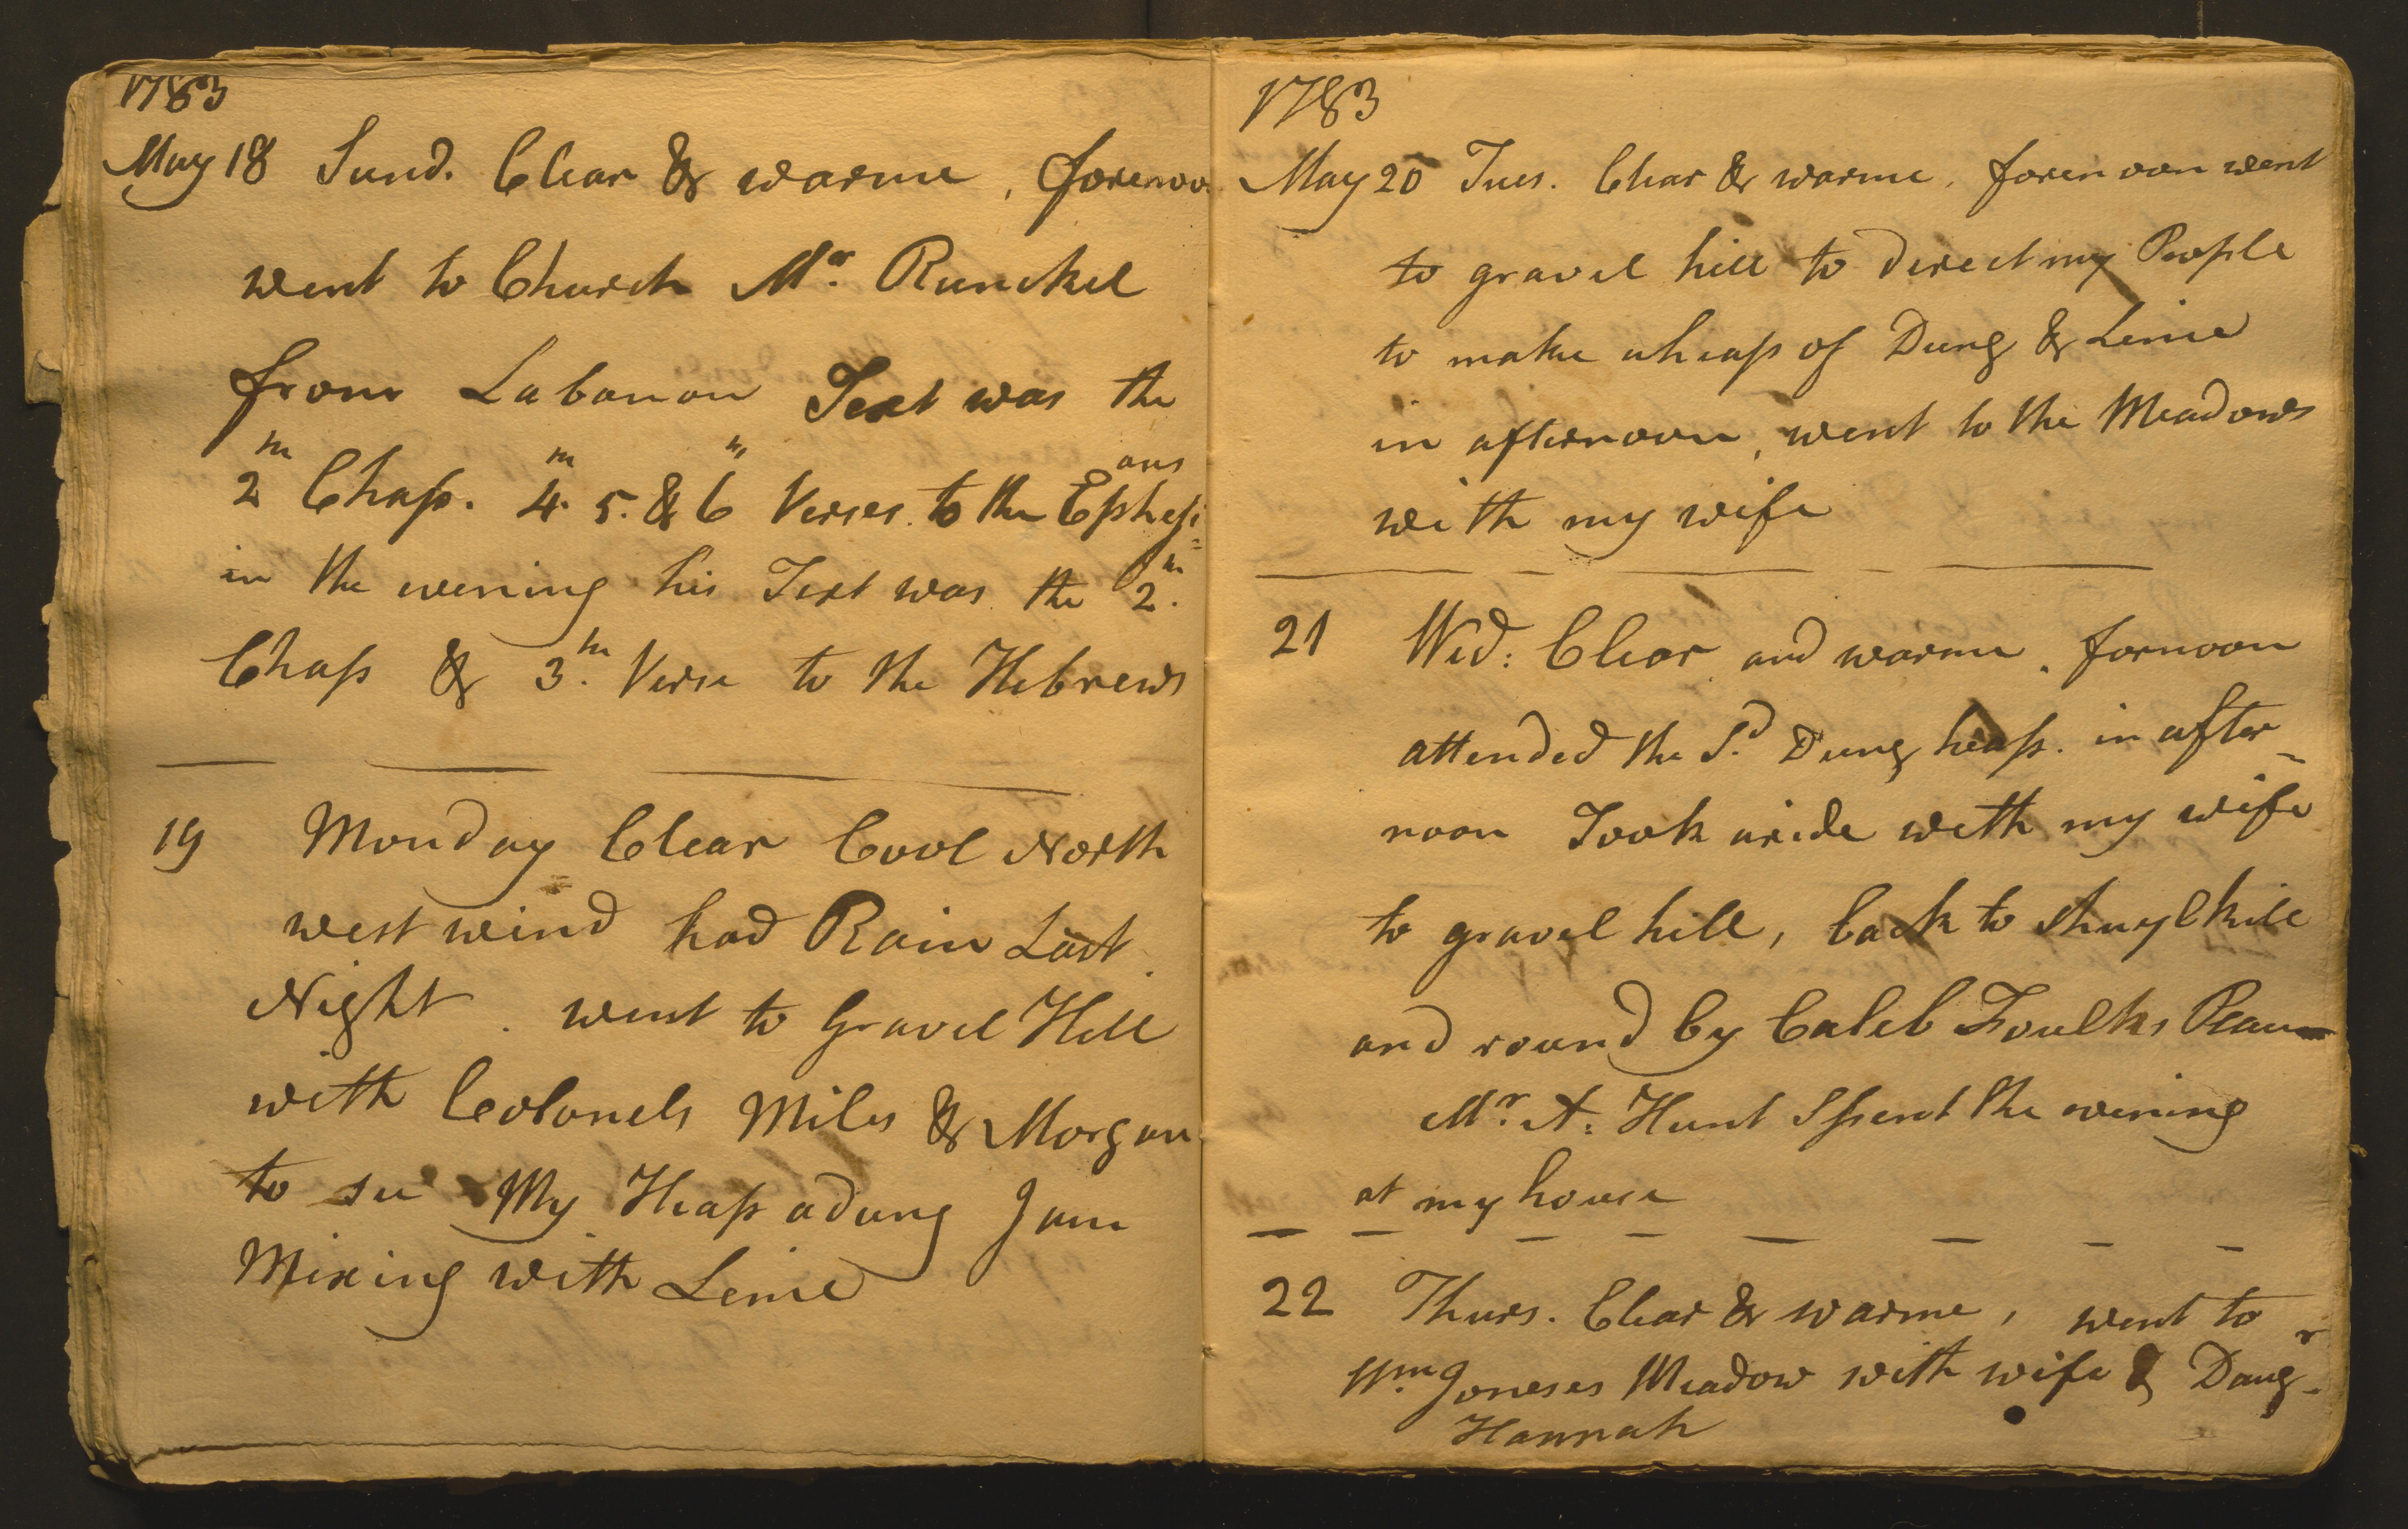1783
May 18 Sund. Clear & warme, forenoon
went to Church M^r. Runckel
from Labanon Text was the
anes
2^th Chap. 4^th. 5. & 6^th Verses to the Ephesi^ans
in the evening his Text was the2^th
Chap & 3^th. Verse to the Hebrews
19 Monday Clear Cool North
west wind had Rain Last
Night went to Gravel Hill
with Colonels Miles & Morgan
to see My Heap a dung I am
Mixing with Lime
1783
May 20 Tues. Clear & warme, forenoon went
to gravel hill to direct my People
to make a heap of Dung & Lime
in afternoon went to the Meadows
with my wife
21 Wed. Clear and warme fornoon
attended the s^d. Deng heap. in after
noon Took a ride with my wife
to gravel hill, back to shuylkill
and round by Caleb Foulks Plan
M^r. A. Hunt Spent the evening
at my house
22 Thurs. Clear & warme, went to
W^m Joneses Meadow with wife & Daug^r.
Hannah